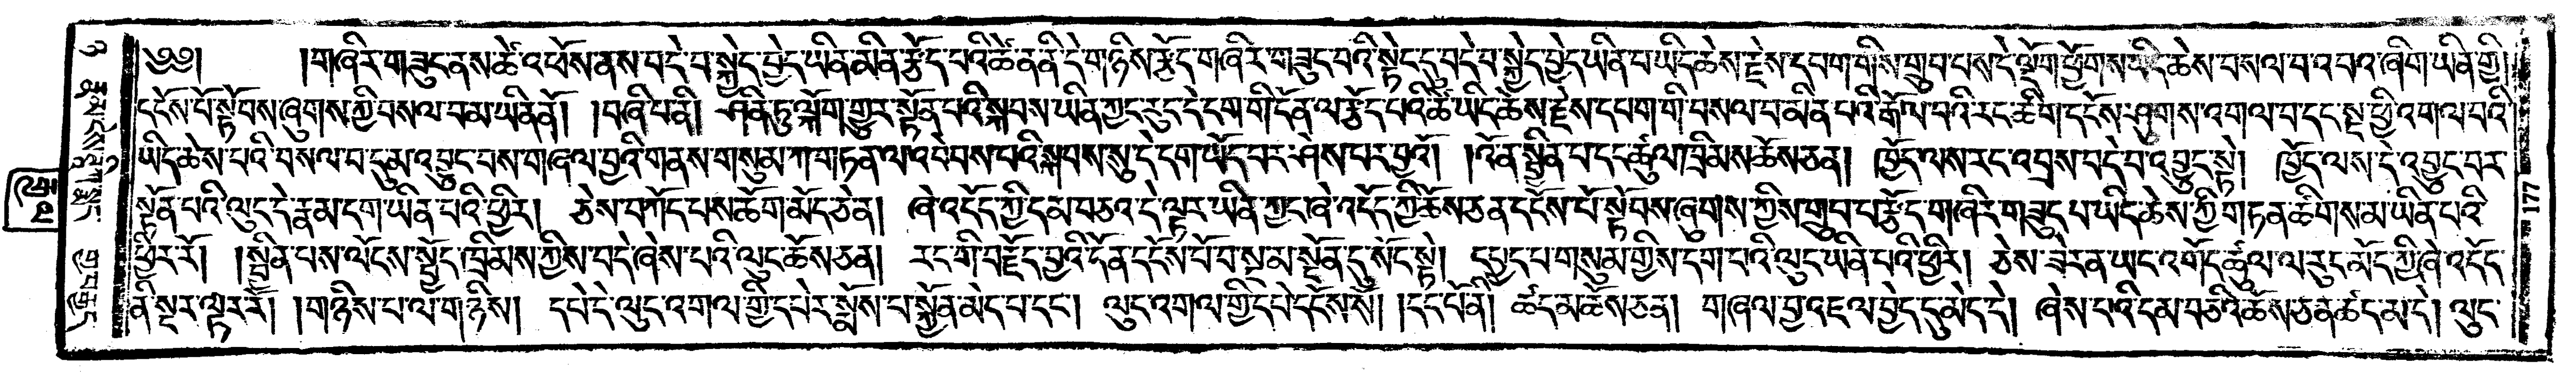༄༅། །གཞིར་གཟུང་ནས་ཚེ་འཕོས་ནས་བདེ་བ་སྐྱེད་བྱེད་ཡིན་མིན་རྩོད་པའི་ཚེ་ན་ནི་དེ་གཉིས་རྩོད་གཞིར་གཟུང་བའི་སྟེང་དུ་བདེ་བ་སྐྱེད་བྱེད་ཡིན་པ་ཡིད་ཆེས་རྗེས་དཔག་གིས་གྲུབ་པས་དེ་ལྡོག་ཕྱོགས་ཡིད་ཆེས་བསལ་བ་འབའ་ཞིག་ཡིན་གྱི། །
དངོས་པོ་སྟོབས་ཞུགས་ཀྱི་བསལ་བ་མ་ཡིན་ནོ། །བཞི་པ་ནི། ཤིན་ཏུ་ལྐོག་གྱུར་སྟོན་པའི་སྐབས་ཡིན་ཀྱང་རུང་དེ་དག་གི་དོན་ལ་རྩོད་པའི་ཚེ་ཡིད་ཆེས་རྗེས་དཔག་གི་བསལ་བ་མིན་པའི་རྒོལ་བའི་རང་ཚིག་དངོས་ཤུགས་འགལ་བ་དང་སྔ་ཕྱི་འགལ་བའི་
ཡིད་ཆེས་པའི་བསལ་བ་དུ་མ་འབྱུང་བས་གཞལ་བྱའི་གནས་གསུམ་ཀ་གཏན་ལ་འབེབས་པའི་སྐབས་སུ་དེ་དག་ཡོད་པར་ཤེས་པར་བྱའོ། །འོ་ན་སྦྱིན་པ་དང་ཚུལ་ཁྲིམས་ཆོས་ཅན། ཁྱོད་ལས་རང་འབྲས་བདེ་བ་འབྱུང་སྟེ། ཁྱོད་ལས་དེ་འབྱུང་བར་
སྟོན་པའི་ལུང་དེ་རྣམ་དག་ཡིན་པའི་ཕྱིར། ཅེས་བཀོད་པས་ཆོག་མོད་ཅེ་ན། ཞེ་འདོད་ཀྱི་དམ་བཅའ་དེ་ལྟར་ཡིན་ཀྱང་ཞེ་འདོད་ཀྱི་ཆོས་ཅན་དངོས་པོ་སྟོབས་ཞུགས་ཀྱིས་གྲུབ་པ་རྩོད་གཞིར་གཟུང་པ་ཡིད་ཆེས་ཀྱི་གཏན་ཚིགས་མ་ཡིན་པའི་
ཕྱིར་རོ། །སྦྱིན་པས་ལོངས་སྤྱོད་ཁྲིམས་ཀྱིས་བདེ་ཞེས་པའི་ལུང་ཆོས་ཅན། རང་གི་བརྗོད་བྱའི་དོན་དངོས་པོ་བ་སྔ་མ་སྔོན་དུ་སོང་སྟེ། དཔྱད་པ་གསུམ་གྱིས་དག་པའི་ལུང་ཡིན་པའི་ཕྱིར། ཅེས་ཟེར་ན་ཡང་འགོད་ཚུལ་ལ་རུང་མོད་ཀྱི་ཞེ་འདོད་
ནི་སྔར་ལྟར་རོ། །གཉིས་པ་ལ་གཉིས། དཔེ་དེ་ལུང་འགལ་གྱི་དཔེར་སྨོས་པ་སྐྱོན་མེད་པ་དང་། ལུང་འགལ་གྱི་དཔེ་དངོས་སོ། །དང་པོ་ནི། ཚད་མ་ཆོས་ཅན། གཞལ་བྱ་འཇལ་བྱེད་དུ་མེད་དེ། ཞེས་པའི་དམ་བཅའི་ཆོས་ཅན་ཚད་མ་དེ། ལུང་